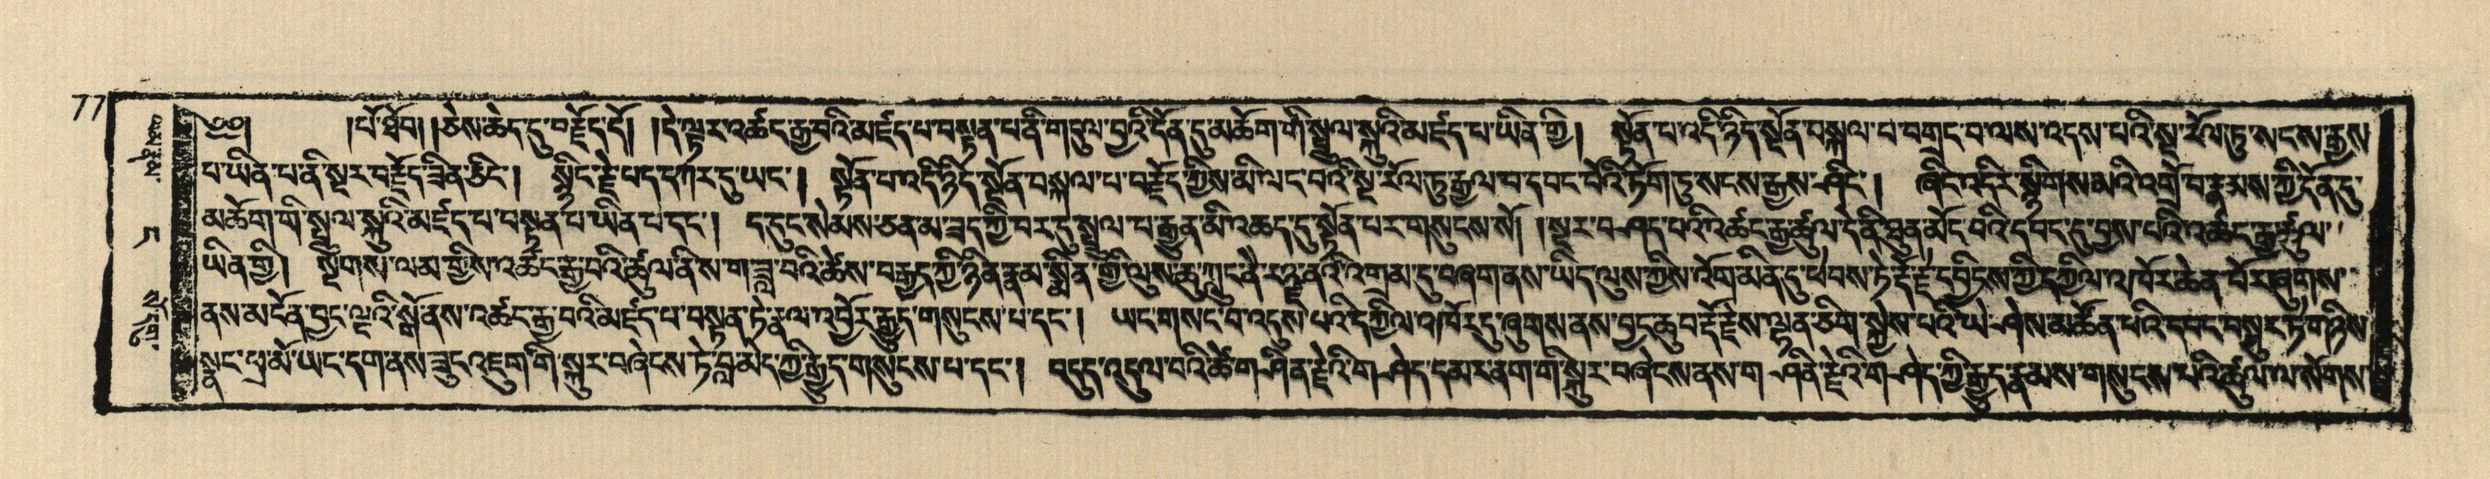༄༅། །པོ་ཐོབ། །ཅེས་ཆེད་དུ་བརྗོད་དོ། །དེ་ལྟར་འཚང་རྒྱ་བའི་མཛད་པ་བསྟན་པ་ནི་གདུལ་བྱའི་དོན་དུ་མཆོག་གི་སྤྲུལ་སྐུའི་མཛད་པ་ཡིན་གྱི། སྟོན་པ་འདི་ཉིད་སྔོན་བསྐལ་པ་བགྲང་བ་ལས་འདས་པའི་སྔ་རོལ་ཏུ་སངས་རྒྱས་
པ་ཡིན་པ་ནི་སྔར་བརྗོད་ཟིན་ཅིང་། སྙིང་རྗེ་པད་དཀར་དུ་ཡང་། སྟོན་པ་འདི་ཉིད་སྔོན་བསྐལ་པ་བརྗོད་ཀྱིས་མི་ལང་བའི་སྔ་རོལ་ཏུ་རྒྱལ་བ་དབང་བོའི་ཏོག་ཏུ་སངས་རྒྱས་ཤིང་། ཞིང་འདིར་སྙིགས་མའི་འགྲོ་བ་རྣམས་ཀྱི་དོན་དུ་
མཆོག་གི་སྤྲུལ་སྐུའི་མཛད་པ་བསྟན་པ་ཡིན་པ་དང་། ད་དུང་སེམས་ཅན་མ་ཟད་ཀྱི་བར་དུ་སྤྲུལ་པ་རྒྱུན་མི་འཆད་དུ་སྟོན་པར་གསུངས་སོ། །སྔར་བཤད་པའི་འཚང་རྒྱ་ཚུལ་དེ་ནི་ཐུན་མོང་བའི་དབང་དུ་བྱས་པའི་འཚང་རྒྱ་ཚུལ་
ཡིན་གྱི། སྔགས་ལམ་གྱིས་འཚང་རྒྱ་བའི་ཚུལ་ནི་ས་ག་ཟླ་བའི་ཚེས་བརྒྱད་ཀྱི་ཉིན་རྣམ་སྨིན་གྱི་ལུས་ཆུ་ཀླུང་ནཻ་རཉྫ་ནའི་འགྲམ་དུ་བཞག་ནས་ཡིད་ལུས་ཀྱིས་འོག་མིན་དུ་ཕེབས་ཏེ་རྡོ་རྗེ་དབྱིངས་ཀྱི་དཀྱིལ་འཁོར་ཆེན་པོར་ཞུགས་
ནས་མངོན་བྱང་ལྔའི་སྒོ་ནས་འཚང་རྒྱ་བའི་མཛད་པ་བསྟན་ཏེ་རྣལ་འབྱོར་རྒྱུད་གསུངས་པ་དང་། ཡང་གསང་བ་འདུས་པའི་དཀྱིལ་འཁོར་དུ་ཞུགས་ནས་བྱང་ཆུབ་རྡོ་རྗེས་ལྷན་ཅིག་སྐྱེས་པའི་ཡེ་ཤེས་མཚོན་པའི་དབང་བསྐུར་ཏེ་གཉིས་
སྣང་ཕྲ་མོ་ཡང་དག་ནས་ཟུང་འཇུག་གི་སྐུར་བཞེངས་ཏེ་བླ་མེད་ཀྱི་རྒྱུད་གསུངས་པ་དང་། བདུད་འདུལ་བའི་ཚེ་གཤིན་རྗེའི་གཤེད་དམར་ནག་གི་སྐུར་བཞེངས་ནས་གཤིན་རྗེའི་གཤེད་ཀྱི་རྒྱུད་རྣམས་གསུངས་པའི་ཚུལ་ལ་སོགས་